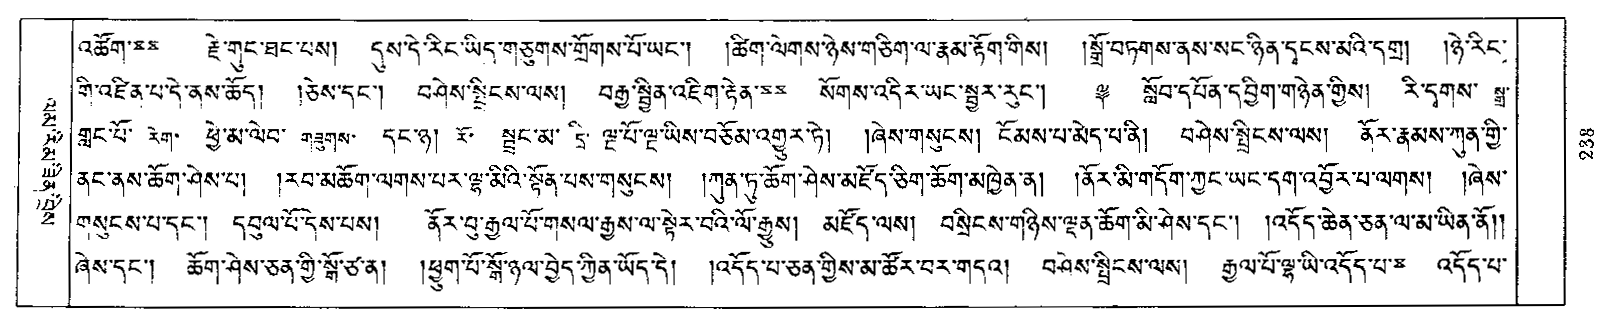འཚོག་྾྾་རྗེ་གུང་ཐང་པས། དུས་དེ་རིང་ཡིད་གཅུགས་གྲོགས་པོ་ཡང་། །ཚིག་ལེགས་ཉེས་གཅིག་ལ་རྣམ་རྟོག་གིས། །སྒྲོ་བཏགས་ནས་སང་ཉིན་དྭངས་མའི་དགྲ། །ཉེ་རིང་
གི་འཛིན་པ་དེ་ནས་ཆོད། །ཅེས་དང་། བཤེས་སྤྲིངས་ལས། བརྒྱ་སྦྱིན་འཇིག་རྟེན་྾྾་སོགས་འདིར་ཡང་སྦྱར་རུང་། ༈ སློབ་དཔོན་དབྱིག་གཉེན་གྱིས། རི་དྭགས་སྒྲ་
གླང་པོ་རེག་ཕྱེ་མ་ལེབ་གཟུགས་དང་ཉ། རོ་སྦྲང་མ་དྲི་ལྔ་པོ་ལྔ་ཡིས་བཅོམ་འགྱུར་ཏེ། །ཞེས་གསུངས། ངོམས་པ་མེད་པ་ནི། བཤེས་སྤྲིངས་ལས། ནོར་རྣམས་ཀུན་གྱི་
ནང་ནས་ཆོག་ཤེས་པ། །རབ་མཆོག་ལགས་པར་ལྷ་མིའི་སྟོན་པས་གསུངས། །ཀུན་ཏུ་ཆོག་ཤེས་མཛོད་ཅིག་ཆོག་མཁྱེན་ན། །ནོར་མི་གདོག་ཀྱང་ཡང་དག་འབྱོར་པ་ལགས། །ཞེས་
གསུངས་པ་དང་། དབུལ་པོ་དེས་པས། ནོར་བུ་རྒྱལ་པོ་གསལ་རྒྱས་ལ་སྟེར་བའི་ལོ་རྒྱུས། མཛོད་ལས། བསྲིངས་གཉིས་ལྡན་ཆོག་མི་ཤེས་དང་། །འདོད་ཆེན་ཅན་ལ་མ་ཡིན་ནོ།།
ཞེས་དང་། ཆོག་ཤེས་ཅན་གྱི་སྒོ་ཙ་ན། །ཕྱུག་པོ་སྒོ་ཉལ་བྱེད་ཀྱིན་ཡོད་དེ། །འདོད་པ་ཅན་གྱིས་མ་ཚོར་བར་གདའ། བཤེས་སྤྲིངས་ལས། རྒྱལ་པོ་ལྷ་ཡི་འདོད་པ་྾་འདོད་པ་